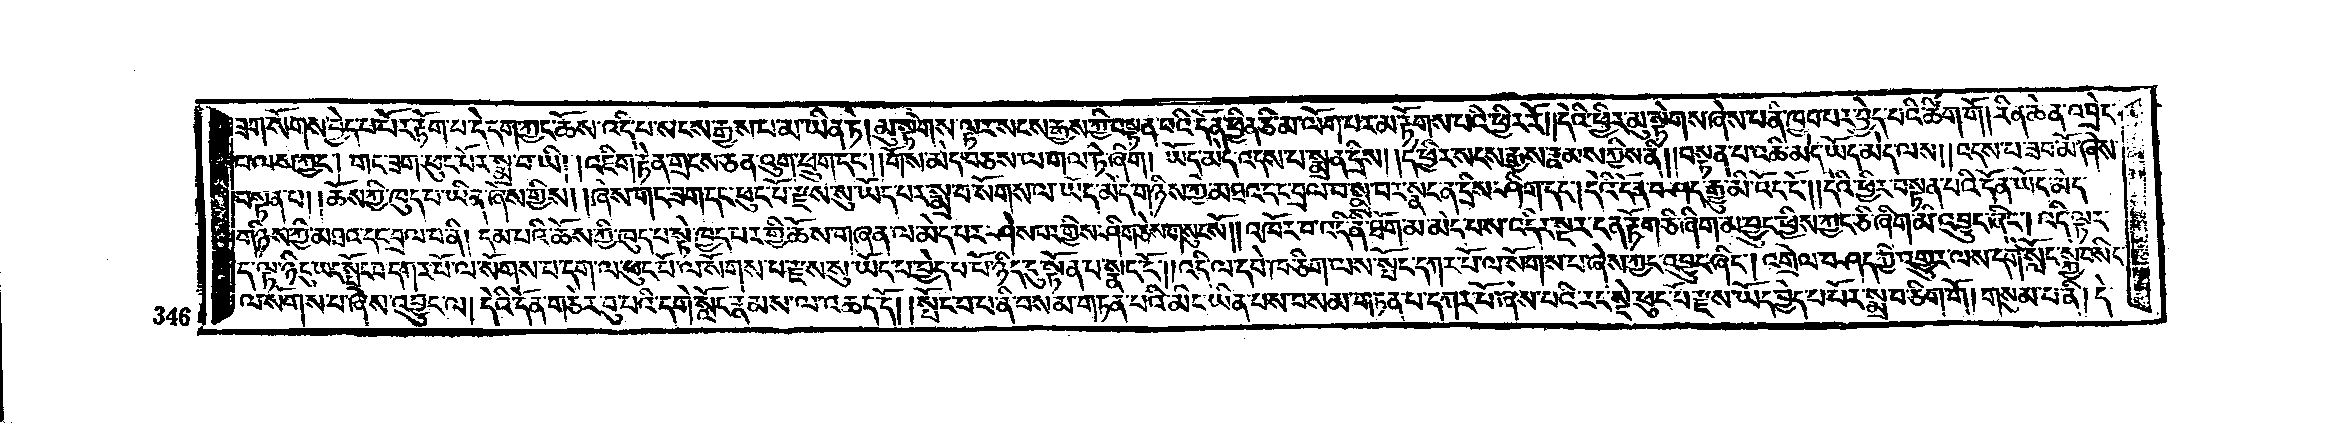ཟག་སོགས་བྱེད་པ་པོར་རྟོག་པ་དེ་དག་ཀྱང་ཆོས་འདི་པ་སངས་རྒྱས་པ་མ་ཡིན་ཏེ། མུ་སྟེགས་ལྟར་སངས་རྒྱས་ཀྱི་བསྟན་པའི་དོན་ཕྱིན་ཅི་མ་ལོག་པར་མ་རྟོགས་པའི་ཕྱིར་རོ། །དེའི་ཕྱིར་མུ་སྟེགས་ཞེས་པ་ནི་ཁྱབ་པར་བྱེད་པའི་ཚིག་གོ །རིན་ཆེན་འཕྲེང་
བ་ལས་ཀྱང་། གང་ཟག་ཕུང་པོར་སྨྲ་བ་ཡི། །འཇིག་རྟེན་གྲངས་ཅན་འུག་ཕྲུག་དང་། །གོས་མེད་བཅས་ལ་གལ་ཏེ་ཞིག །ཡོད་མེད་འདས་པ་སྨྲ་ན་དྲིས། །དེ་ཕྱིར་སངས་རྒྱས་རྣམས་ཀྱིས་ནི། །བསྟན་པ་འཆི་མེད་ཡོད་མེད་ལས། །འདས་པ་ཟབ་མོ་ཞེས་
བསྟན་པ། །ཆོས་ཀྱི་ཁུད་པ་ཡིན་ཞེས་གྱིས། །ཞེས་གང་ཟག་དང་ཕུང་པོ་རྫས་སུ་ཡོད་པར་སྨྲ་བ་སོགས་ལ་ཡོད་མེད་གཉིས་ཀྱི་མཐའ་དང་བྲལ་བ་སྨྲ་བར་སྣང་ན་དྲིས་ཤིག་དང་། དེའི་དོན་བཤད་རྒྱུ་མི་འོང་ངོ། །དེའི་ཕྱིར་བསྟན་པའི་དོན་ཡོད་མེད་
གཉིས་ཀྱི་མཐའ་དང་བྲལ་བ་ནི། དམ་པའི་ཆོས་ཀྱི་ཁུད་པ་སྟེ་ཁྱད་པར་གྱི་ཆོས་གཞན་ལ་མེད་པར་ཤེས་པར་གྱིས་ཤིག་ཅེས་གསུངས་སོ། །འཁོར་བ་འདི་ནི་ཐོག་མ་མེད་པས་འདིར་སྔར་ངན་རྟོག་ཅི་ཞིག་མ་བྱུང་ཕྱིས་ཀྱང་ཅི་ཞིག་མི་འབྱུང་ཞིང་། འདི་ལྟར་
ད་ལྟ་ཉིད་དུ་ཡང་སྤོང་བ་དཀར་པོ་ལ་སོགས་པ་དག་ལ་ཕུང་པོ་ལ་སོགས་པ་རྫས་སུ་ཡོད་པ་བྱེད་པ་པོ་ཉིད་དུ་སྟོན་པ་སྣང་ངོ། །འདི་ལ་དཔེ་ཁ་ཅིག་ལས་སྤོང་དཀར་པོ་ལ་སོགས་པ་ཞེས་ཀྱང་འབྱུང་ཞིང་། འགྲེལ་བཤད་ཀྱི་འགྱུར་ལས་དགེ་སློང་སྐྱེ་བ་སིང་
ལ་སོགས་པ་ཞེས་འབྱུང་ལ། དེའི་དོན་གཅེར་བུ་པའི་དགེ་སློང་རྣམས་ལ་འཆད་དོ། །སྤོང་བ་པ་ནི་བསམ་གཏན་པའི་མིང་ཡིན་པས་བསམ་གཏན་པ་དཀར་པོ་ཞེས་པའི་རང་སྡེ་ཕུང་པོ་རྫས་ཡོད་བྱེད་པ་པོར་སྨྲ་བ་ཞིག་གོ །གསུམ་པ་ནི། དེ་